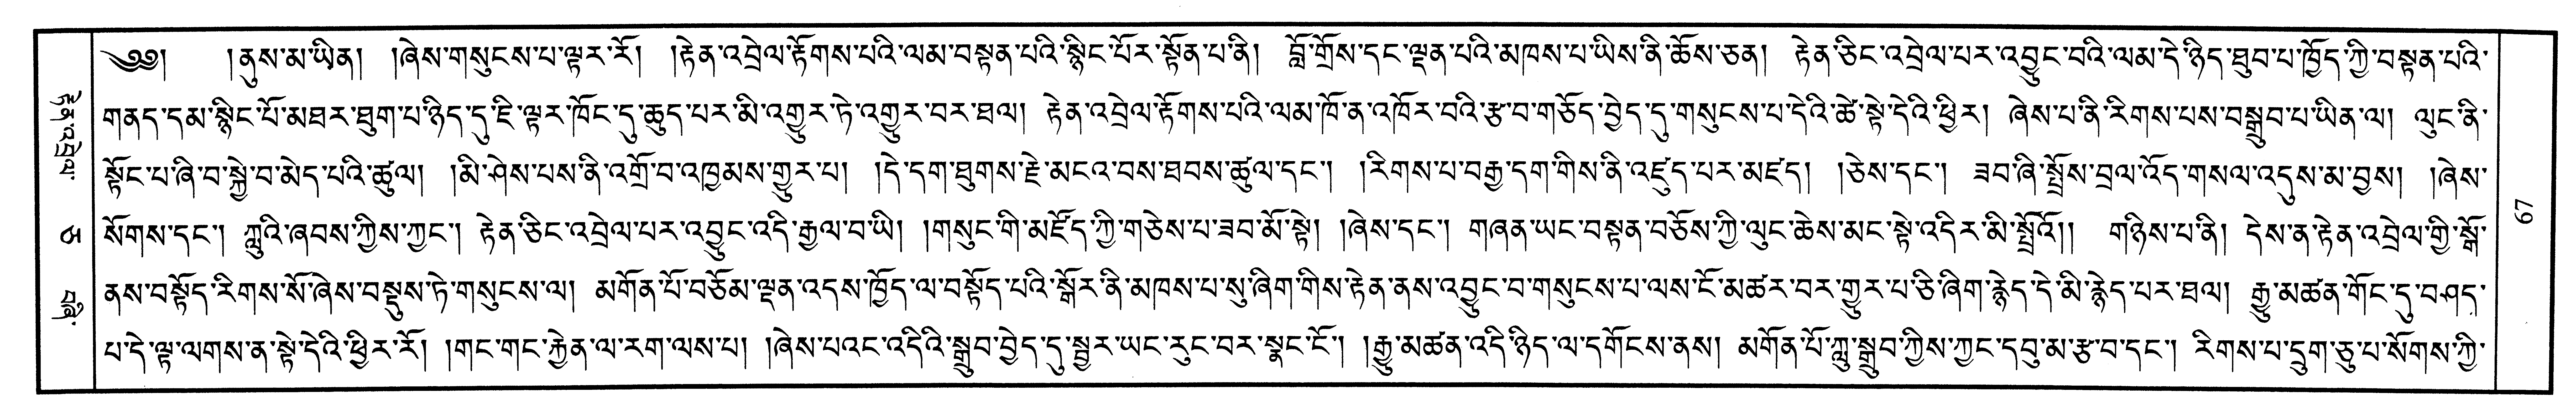༄༅། །ནུས་མ་ཡིན། །ཞེས་གསུངས་པ་ལྟར་རོ། །རྟེན་འབྲེལ་རྟོགས་པའི་ལམ་བསྟན་པའི་སྙིང་པོར་སྟོན་པ་ནི། བློ་གྲོས་དང་ལྡན་པའི་མཁས་པ་ཡིས་ནི་ཆོས་ཅན། རྟེན་ཅིང་འབྲེལ་པར་འབྱུང་བའི་ལམ་དེ་ཉིད་ཐུབ་པ་ཁྱོད་ཀྱི་བསྟན་པའི་
གནད་དམ་སྙིང་པོ་མཐར་ཐུག་པ་ཉིད་དུ་ཇི་ལྟར་ཁོང་དུ་ཆུད་པར་མི་འགྱུར་ཏེ་འགྱུར་བར་ཐལ། རྟེན་འབྲེལ་རྟོགས་པའི་ལམ་ཁོ་ན་འཁོར་བའི་རྩ་བ་གཅོད་བྱེད་དུ་གསུངས་པ་དེའི་ཚེ་སྟེ་དེའི་ཕྱིར། ཞེས་པ་ནི་རིགས་པས་བསྒྲུབ་པ་ཡིན་ལ། ལུང་ནི་
སྟོང་པ་ཞི་བ་སྐྱེ་བ་མེད་པའི་ཚུལ། །མི་ཤེས་པས་ནི་འགྲོ་བ་འཁྱམས་གྱུར་པ། །དེ་དག་ཐུགས་རྗེ་མངའ་བས་ཐབས་ཚུལ་དང་། །རིགས་པ་བརྒྱ་དག་གིས་ནི་འཛུད་པར་མཛད། །ཅེས་དང་། ཟབ་ཞི་སྤྲོས་བྲལ་འོད་གསལ་འདུས་མ་བྱས། །ཞེས་
སོགས་དང་། ཀླུའི་ཞབས་ཀྱིས་ཀྱང་། རྟེན་ཅིང་འབྲེལ་པར་འབྱུང་འདི་རྒྱལ་བ་ཡི། །གསུང་གི་མཛོད་ཀྱི་གཅེས་པ་ཟབ་མོ་སྟེ། །ཞེས་དང་། གཞན་ཡང་བསྟན་བཅོས་ཀྱི་ལུང་ཆེས་མང་སྟེ་འདིར་མི་སྤྲོའོ།། གཉིས་པ་ནི། དེས་ན་རྟེན་འབྲེལ་གྱི་སྒོ་
ནས་བསྟོད་རིགས་སོ་ཞེས་བསྡུས་ཏེ་གསུངས་ལ། མགོན་པོ་བཅོམ་ལྡན་འདས་ཁྱོད་ལ་བསྟོད་པའི་སྒོར་ནི་མཁས་པ་སུ་ཞིག་གིས་རྟེན་ནས་འབྱུང་བ་གསུངས་པ་ལས་ངོ་མཚར་བར་གྱུར་པ་ཅི་ཞིག་རྙེད་དེ་མི་རྙེད་པར་ཐལ། རྒྱུ་མཚན་གོང་དུ་བཤད་
པ་དེ་ལྟ་ལགས་ན་སྟེ་དེའི་ཕྱིར་རོ། །གང་གང་རྐྱེན་ལ་རག་ལས་པ། །ཞེས་པའང་འདིའི་སྒྲུབ་བྱེད་དུ་སྦྱར་ཡང་རུང་བར་སྣང་ངོ། །རྒྱུ་མཚན་འདི་ཉིད་ལ་དགོངས་ནས། མགོན་པོ་ཀླུ་སྒྲུབ་ཀྱིས་ཀྱང་དབུ་མ་རྩ་བ་དང་། རིགས་པ་དྲུག་ཅུ་པ་སོགས་ཀྱི་